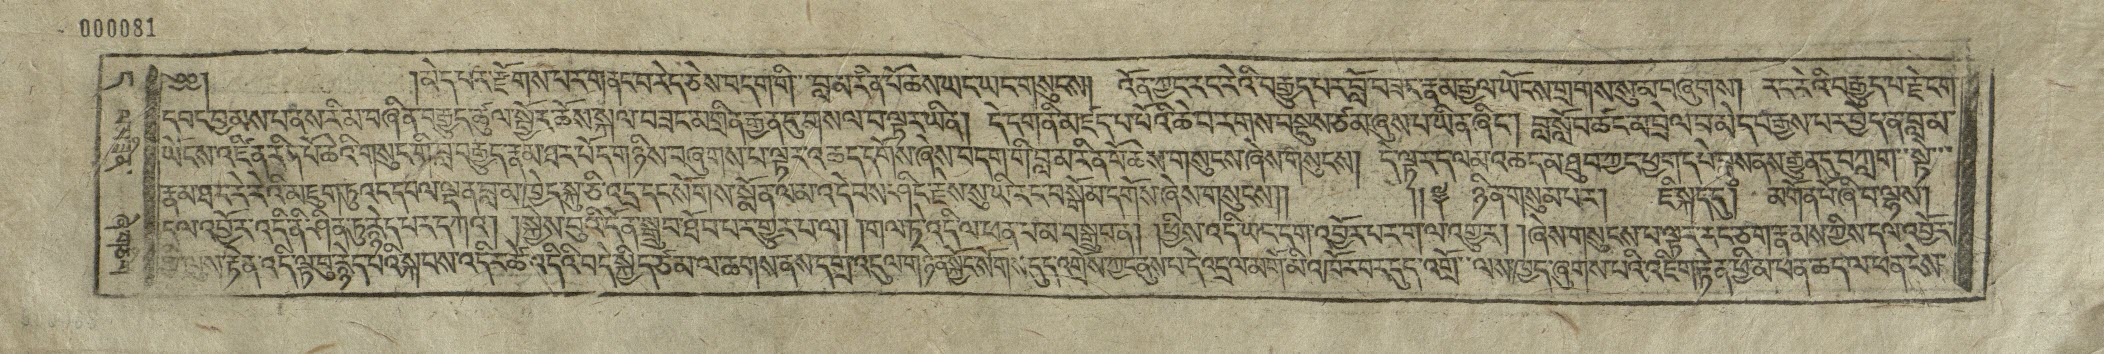༄༅། །མེད་པར་རྫོགས་པར་གནང་བ་རེད་ཅེས་བདག་གི་བླ་མ་རིན་པོ་ཆེས་ཡང་ཡང་གསུངས། འོན་ཀྱང་རང་རེའི་བརྒྱུད་པར་བློ་བཟང་རྣམ་རྒྱལ་ཡོངས་གྲགས་སུ་མ་བཞུགས། རང་རེའི་བརྒྱུད་པ་རྗེ་ངག་
དབང་བྱམས་པ་ནས་རིམ་བཞིན་བརྒྱུད་ཚུལ་སྦྱོར་ཆོས་སྐལ་བཟང་མགྲིན་རྒྱན་དུ་གསལ་བ་ལྟར་ཡིན། དེ་དག་ནི་མཛད་པ་པོའི་ཆེ་བ་རགས་བསྡུས་ཙམ་ཞུས་པ་ཡིན་ཞིང་། བླ་སློབ་ཚང་མ་བྲེལ་བ་མེད་པ་རྒྱས་པར་བྱེད་ན་བླ་མ་
ཡོངས་འཛིན་རིན་པོ་ཆེའི་གསུང་གི་བླ་བརྒྱུད་རྣམ་ཐར་པོད་གཉིས་བཞུགས་པ་ལྟར་འཆད་དགོས་ཞེས་བདག་གི་བླ་མ་རིན་པོ་ཆེས་གསུངས་ཞེས་གསུངས། དེ་ལྟར་ད་ལམ་འཆད་མ་ཐུབ་ཀྱང་ཕྱག་དཔེ་བླུས་ནས་རྒྱུན་དུ་བཀླག་སྟེ་
རྣམ་ཐར་རེ་རེའི་མཇུག་ཏུའང་དཔལ་ལྡན་བླ་མ་ཁྱེད་སྐུ་ཅི་འདྲ་དང་སོགས་སྨོན་ལམ་འདེབས་ཤིང་རྗེས་སུ་ཡི་རང་བསྒོམ་དགོས་ཞེས་གསུངས།། །། ༈ ཉིན་གསུམ་པར། ཇི་སྐད་དུ། མགོན་པོ་ཞི་བ་ལྷས།
དལ་འབྱོར་འདི་ནི་ཤིན་ཏུ་རྙེད་པར་དཀའ། །སྐྱེས་བུའི་དོན་སྒྲུབ་ཐོབ་པར་གྱུར་པ་ལ། །གལ་ཏེ་འདི་ལ་ཕན་པ་མ་བསྒྲུབ་ན། །ཕྱིས་འདི་ཡང་དག་འབྱོར་པར་ག་ལ་འགྱུར། །ཞེས་གསུངས་པ་ལྟར་རང་ཅག་རྣམས་ཀྱིས་དལ་འབྱོར་
གྱི་ལུས་རྟེན་འདི་ལྟ་བུ་རྙེད་པའི་སྐབས་འདིར་ཚེ་འདིའི་བདེ་སྐྱིད་ཙམ་ལ་ཆགས་ནས་དགྲ་འདུལ་གཉེན་སྐྱོང་སོགས་དུད་འགྲོས་ཀྱང་ནུས་པ་དེ་འདྲ་ལ་མགོ་མི་འཁོར་བར་དུད་འགྲོ་ལས་ཁྱད་ཞུགས་པའི་འཇིག་རྟེན་ཕྱི་མ་ཕན་ཆད་ལ་ཕན་ངེས་